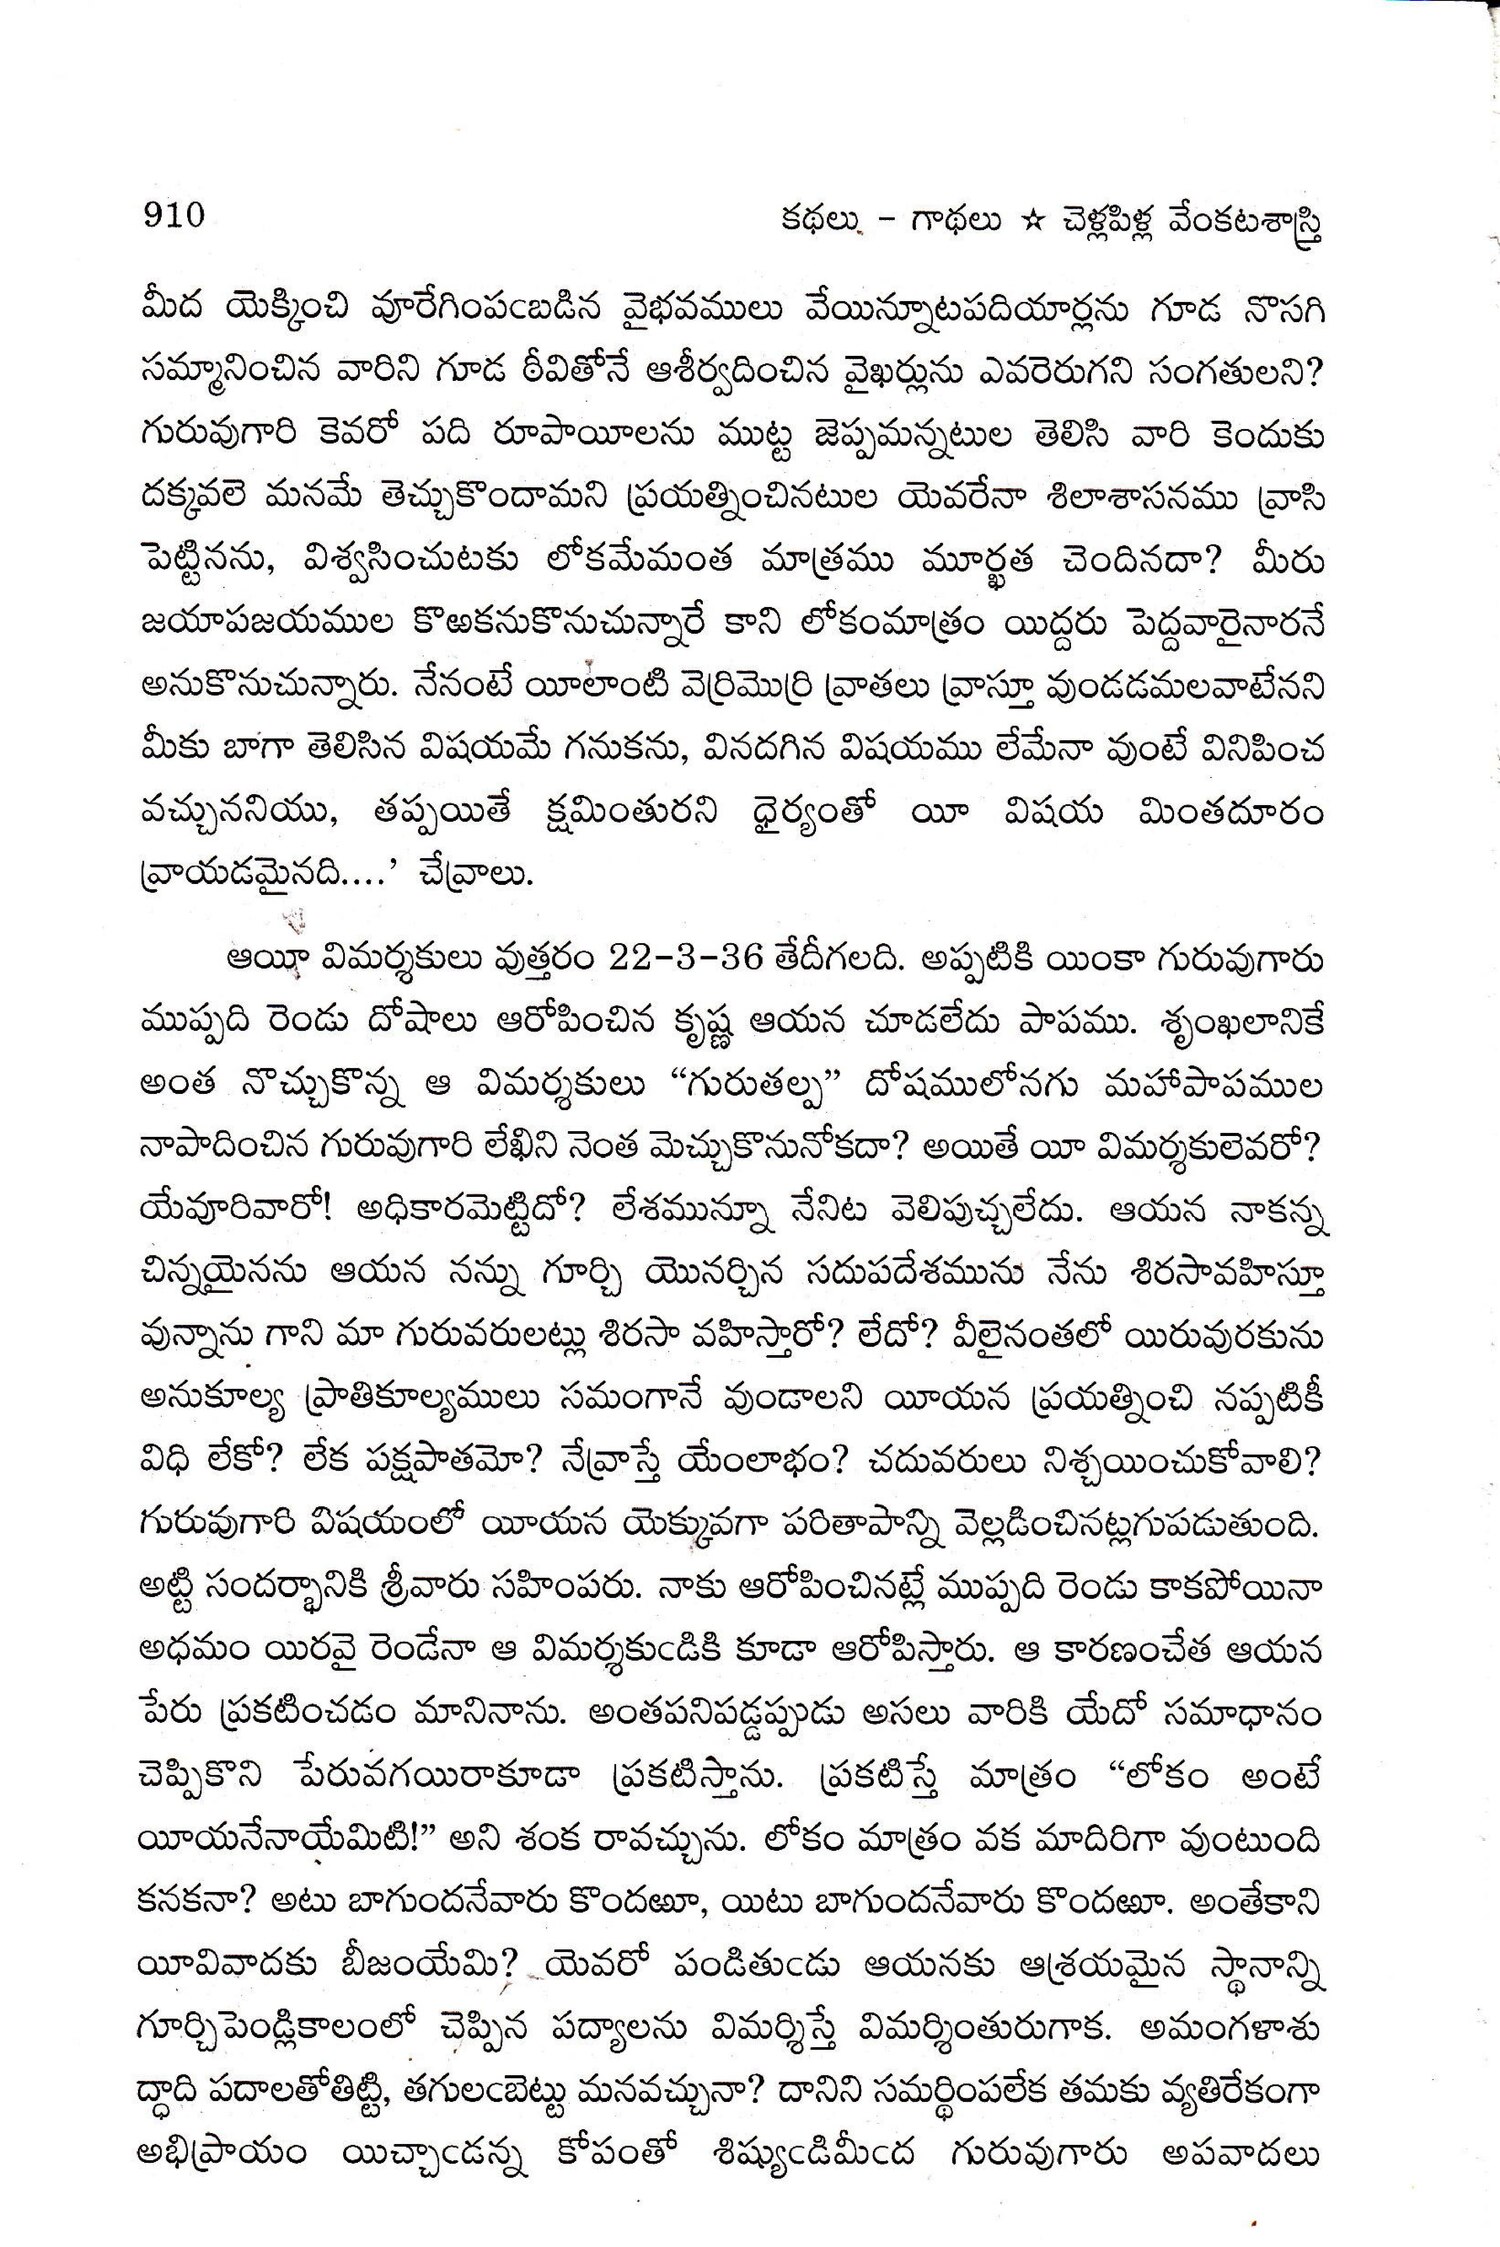మీద యెక్కించి వూరేగింపఁబడిన వైభవములు వేయిన్నూటపదియార్లను గూడ నొసగి సమ్మానించిన వారిని గూడ ఠీవితోనే ఆశీర్వదించిన వైఖర్లును ఎవరెరుగని సంగతులని? గురువుగారి కెవరో పది రూపాయిలను ముట్ట జెప్పమన్నటుల తెలిసి వారి కెందుకు దక్కవలె మనమే తెచ్చుకొందామని ప్రయత్నించినటుల యెవరేనా శిలాశాసనము వ్రాసి పెట్టినను, విశ్వసించుటకు లోకమేమంత మాత్రము మూర్ఖత చెందినదా? మీరు జయాపజయముల కొఱకనుకొనుచున్నారే కాని లోకంమాత్రం యిద్దరు పెద్దవారైనారనే అనుకొనుచున్నారు. నేనంటే యీలాంటి వెర్రిమొర్రి వ్రాతలు వ్రాస్తూ వుండడమలవాటేనని మీకు బాగా తెలిసిన విషయమే గనుకను, వినదగిన విషయము లేమేనా వుంటే వినిపించ వచ్చుననియు, తప్పయితే క్షమింతురని ధైర్యంతో యీ విషయ మింతదూరం వ్రాయడమైనది.... చేవ్రాలు.

ఆయీ విమర్శకులు వుత్తరం 22-3-36 తేదీగలది. అప్పటికి యింకా గురువుగారు ముప్పది రెండు దోషాలు ఆరోపించిన కృష్ణ ఆయన చూడలేదు పాపము. శృంఖలానికే అంత నొచ్చుకొన్న ఆ విమర్శకులు “గురుతల్ప" దోషములోనగు మహాపాపముల నాపాదించిన గురువుగారి లేఖిని నెంత మెచ్చుకొనునోకదా? అయితే యీ విమర్శకులెవరో? యేవూరివారో! అధికారమెట్టిదో? లేశమున్నూ నేనిట వెలిపుచ్చలేదు. ఆయన నాకన్న చిన్నయైనను ఆయన నన్ను గూర్చి యొనర్చిన సదుపదేశమును నేను శిరసావహిస్తూ వున్నాను గాని మా గురువరులట్లు శిరసా వహిస్తారో? లేదో? వీలైనంతలో యిరువురకును అనుకూల్య ప్రాతికూల్యములు సమంగానే వుండాలని యీయన ప్రయత్నించి నప్పటికీ విధి లేకో? లేక పక్షపాతమో? నేవ్రాస్తే యేంలాభం? చదువరులు నిశ్చయించుకోవాలి? గురువుగారి విషయంలో యీయన యెక్కువగా పరితాపాన్ని వెల్లడించినట్లగుపడుతుంది. అట్టి సందర్భానికి శ్రీవారు సహింపరు. నాకు ఆరోపించినట్లే ముప్పది రెండు కాకపోయినా అధమం యిరవై రెండేనా ఆ విమర్శకుఁడికి కూడా ఆరోపిస్తారు. ఆ కారణంచేత ఆయన పేరు ప్రకటించడం మానినాను. అంతపనిపడ్డప్పుడు అసలు వారికి యేదో సమాధానం చెప్పికొని పేరువగయిరాకూడా ప్రకటిస్తాను. ప్రకటిస్తే మాత్రం "లోకం అంటే యీయనేనాయేమిటి!" అని శంక రావచ్చును. లోకం మాత్రం వక మాదిరిగా వుంటుంది కనకనా? అటు బాగుందనేవారు కొందఱూ, యిటు బాగుందనేవారు కొందఱూ. అంతేకాని యీవివాదకు బీజంయేమి? యెవరో పండితుఁడు ఆయనకు ఆశ్రయమైన స్థానాన్ని గూర్చిపెండ్లికాలంలో చెప్పిన పద్యాలను విమర్శిస్తే విమర్శింతురుగాక. అమంగళాశుద్ధాది పదాలతో తిట్టి, తగులఁబెట్టు మనవచ్చునా? దానిని సమర్ధింపలేక తమకు వ్యతిరేకంగా అభిప్రాయం యిచ్చాఁడన్న కోపంతో శిష్యుఁడిమీఁద గురువుగారు అపవాదలు